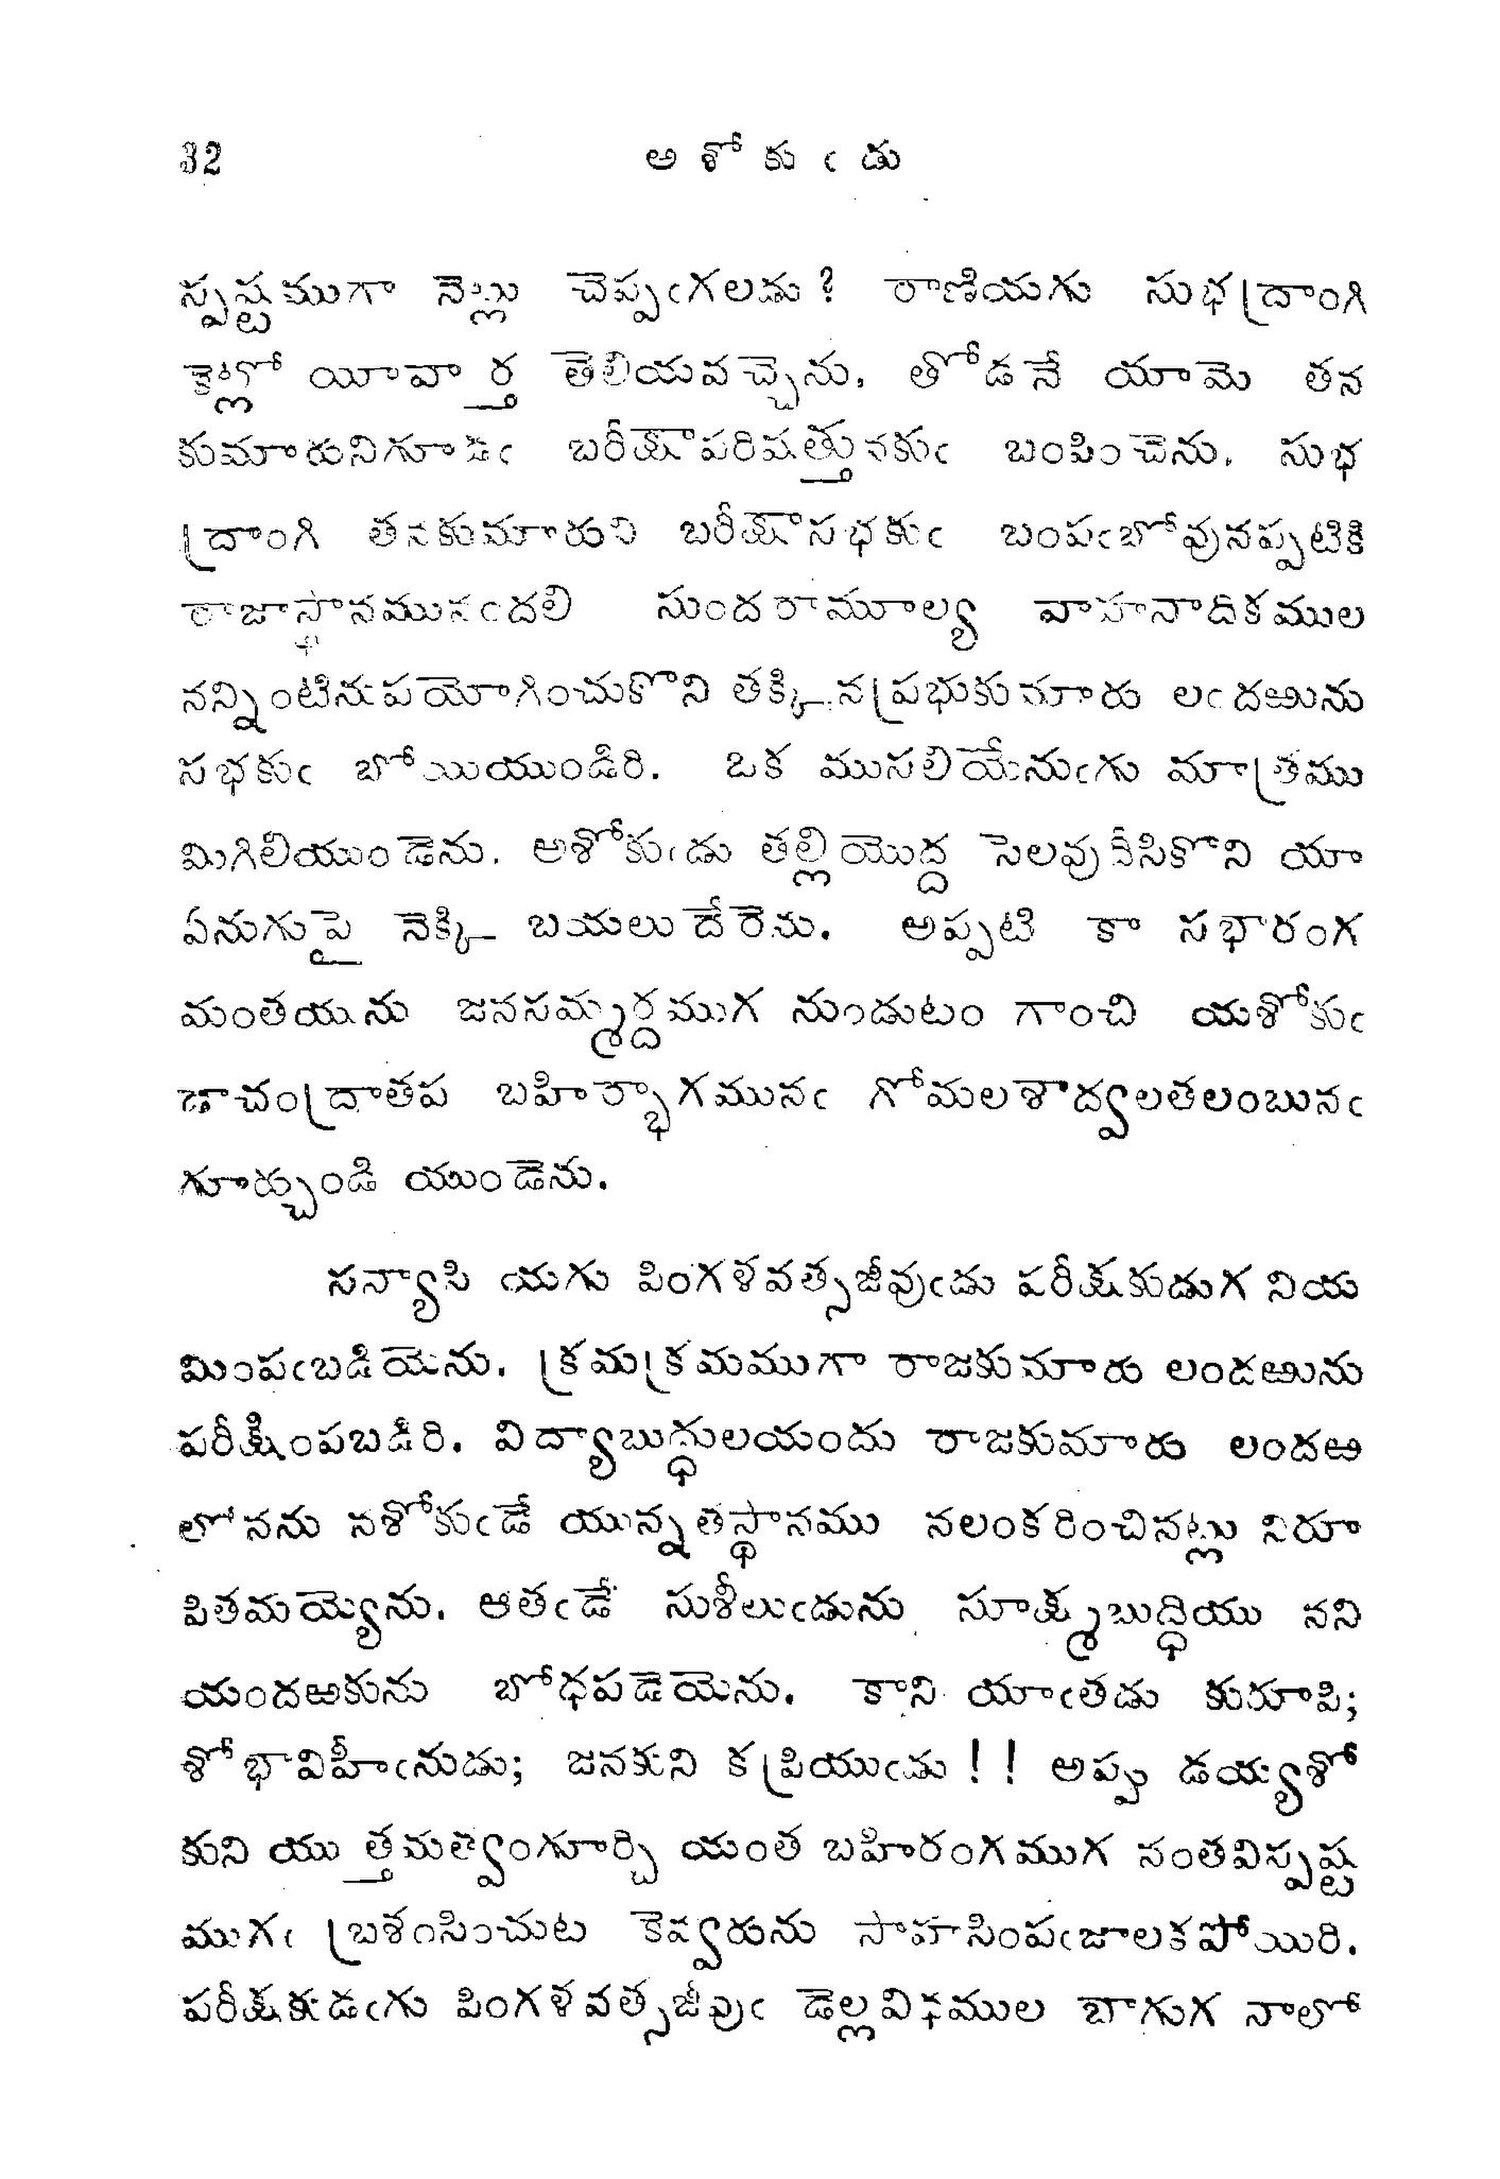స్పష్టముగా నెట్లు చెప్పఁగలడు ? రాణియగు సుభద్రాంగి కెట్లో యీ వార్త తెలియవచ్చెను. తోడ నే యామె తన కుమారునిగూడఁ బరీక్షా పరిషత్తునకుఁ బంపించెను. సుభద్రాంగి తన కుమారుని బరీక్షా సభకుఁ బంపఁబోవునప్పటికి రాజాస్థానమునందలి సుందరామూల్య వాహనాదికముల నన్నింటినుపయోగించుకొని తక్కిన ప్రభుకుమారు లఁ దఱును సభకుఁ బోయియుండిరి. ఒక ముసలియేనుఁగు మాత్రము మిగిలియుండెను. అశోకుఁడు తల్లి యొద్ద సెలవు తీసికొని యా ఏనుగు పై నెక్కి బయలు దేరెను. అప్పటి కా సభారంగమంతయును జనసమ్మర్దముగ నుఁడుటం గాంచి యశోకుఁడాచంద్రాతప బహి ర్భాగమునఁ గోమల శాద్వలతలంబునఁ గూర్చుండి యుండెను.

సన్యాసి యగు పింగళవత్సజీవుఁడు పరీక్షుకుడుగ నియమింపఁబడియెను. క్రమక్రమముగా రాజకుమారు లందఱును పరీక్షింపబడిరి. విద్యాబుద్ధులయందు రాజకుమారు లందఱలోనను నశోకుఁడే యున్నత స్థానము నలంకరించినట్లు నిరూపితమయ్యెను. ఆతఁడే సుళీలుఁడును సూక్మబుద్ధియు నని యందఱకును బోధపడెయెను. కాని యాఁతడు కురూపి; శోభావిహీఁనుడు; జనకుని కప్రియుఁడు ! ! అప్పు డయ్యశోకుని యుత్తమత్వంగూర్చి యంత బహిరంగ ముగ సంత విస్పష్టముగఁ బ్రశంసించుట కెవ్వరును సాహ సింపఁజాలకపోయిరి. పరీక్ష కుడఁగు పింగళవత్సజీవుఁ డెల్ల విధముల బాగుగ నాలో